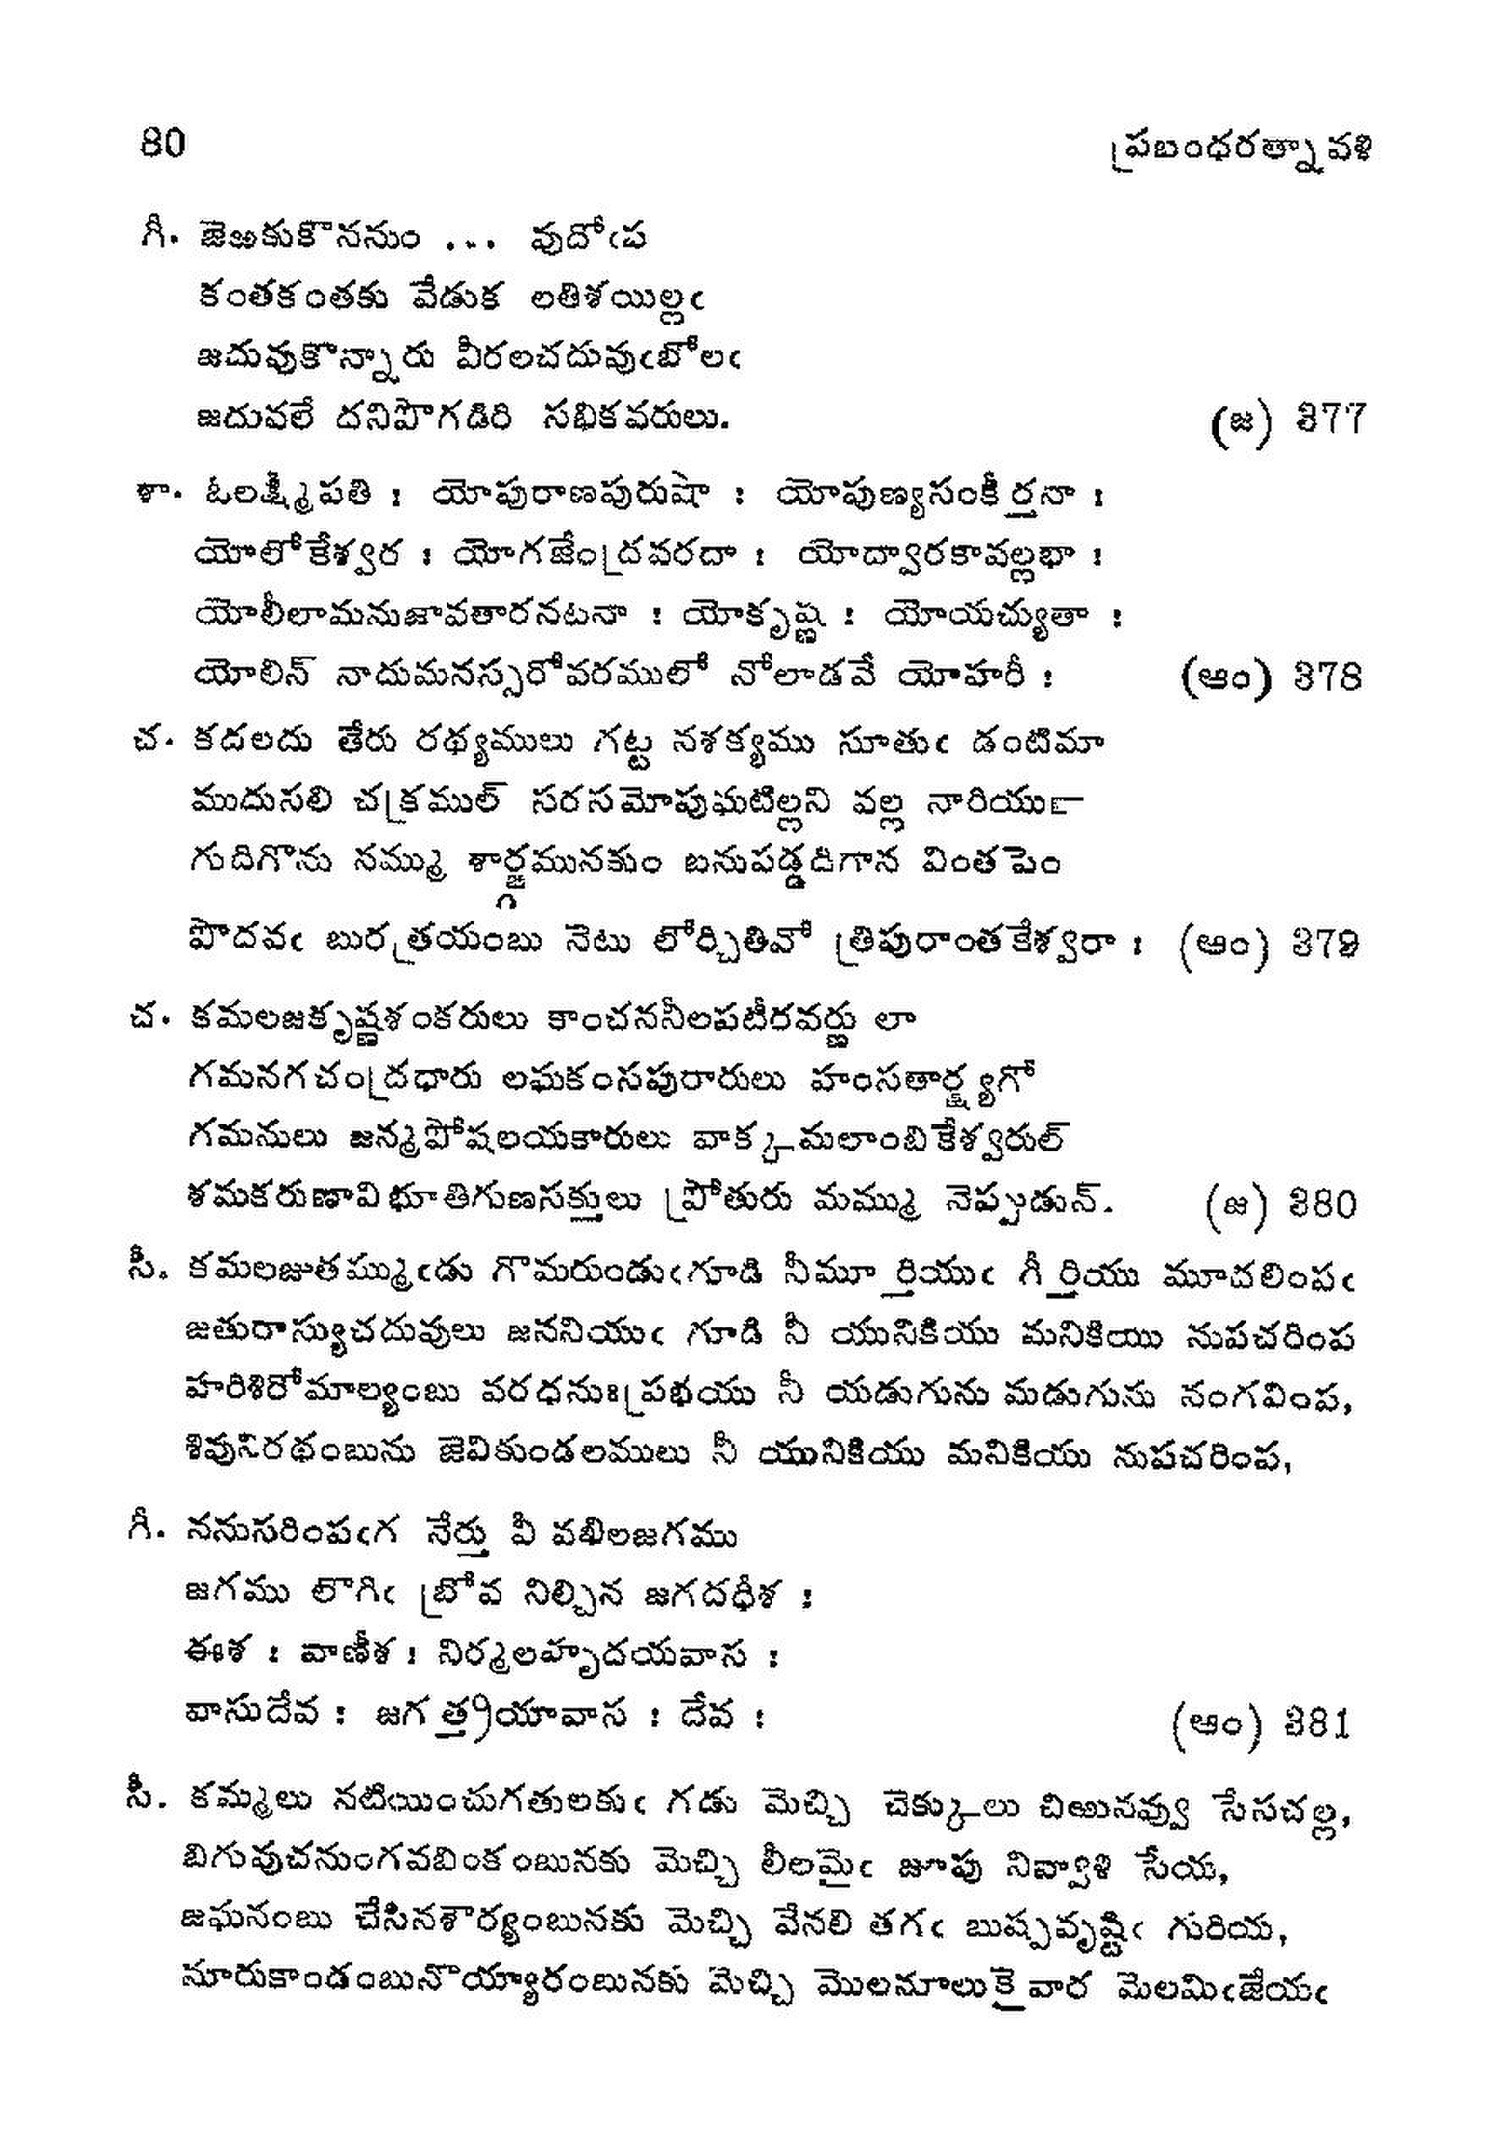గీ. జెఱకుకొననుం + + + + వు దోఁప
కంతకంతకు వేడుక లతిశయిల్లఁ
జదువుకొన్నారు వీరల చదువుఁబోలఁ
జదువలేదని పొగడిరి సభికవరులు. (జ) 377

శా. ఓ లక్ష్మీపతి! యో పురాణపురుషా! యో పుణ్యసంకీర్తనా!
యో లోకేశ్వర! యో గజేంద్రవరదా! యో ద్వారకావల్లభా!
యో లీలామనుజావతారనటనా! యో కృష్ణ! యో యచ్యుతా!
యోలిన్ నాదు మనస్సరోవరములో నోలాడవే యో హరీ! (ఆం) 378

చ. కదలదు తేరు రథ్యములు గట్ట నశక్యము సూతుఁడంటి మా
ముదుసలి చక్రముల్ సరసమోపుఘటిల్లని వల్ల నారియున్
గుదిగొను నమ్ము శార్ఙ్గమునకుం బనుపడ్డదిగాన వింత పెం
పొదవఁ బుర త్రయంబునెటు లోర్చితి వో త్రిపురాంతకేశ్వరా! (ఆం) 379

చ. కమలజకృష్ణశంకరులు కాంచననీలపటీరవర్ణు లా
గమ నగ చంద్రధారు లఘకంసపురారులు హంసతార్క్ష్య గో
గమనులు జన్మపోషలయకారులు వాక్కమలాంబికేశ్వరుల్
శమకరుణావిభూతిగుణసక్తులు ప్రోతురు మమ్ము నెప్పుడున్. (జ) 380

సీ. కమలజుతమ్ముఁడు గొమరుండుఁగూడి నీ మూర్తియుఁ గీర్తియు మూదలింపఁ
జతురాస్యుచదువులు జననియుఁ గూడి నీ యునికియు మనికియు నుపచరింప,
హరిశిరోమాల్యంబు వరధనుఃప్రభయు నీ యడుగును మడుగును నంగవింప,
శివునిరథంబును జెవికుండలములు నీ యునికియు మనికియు నుపచరింప,
గీ. ననుసరింపఁగ నేర్తు వీ వఖిలజగము
జగము లొగిఁ బ్రోవ నిల్చిన జగధదీశ!
ఈశ! వాణీశ! నిర్మలహృదయవాస!
వాసుదేవ! జగత్త్రయావాస! దేవ! (ఆం) 381

సీ. కమ్మలు నటియించు గతులకుఁ గడుమెచ్చి చెక్కులు చిఱునవ్వు సేసచల్ల,
బిగువుచనుంగవ బింకంబునకు మెచ్చి లీలమైఁ జూపు నివ్వాళి సేయ,
జఘనంబు చేసిన శౌర్యంబునకు మెచ్చి వేనలి తగఁ బుష్పవృష్టిఁ గురియ,
నూరుకాండంబు నొయ్యారంబునకు మెచ్చి మొలనూలు కైవార మెలమిఁ జేయఁ,